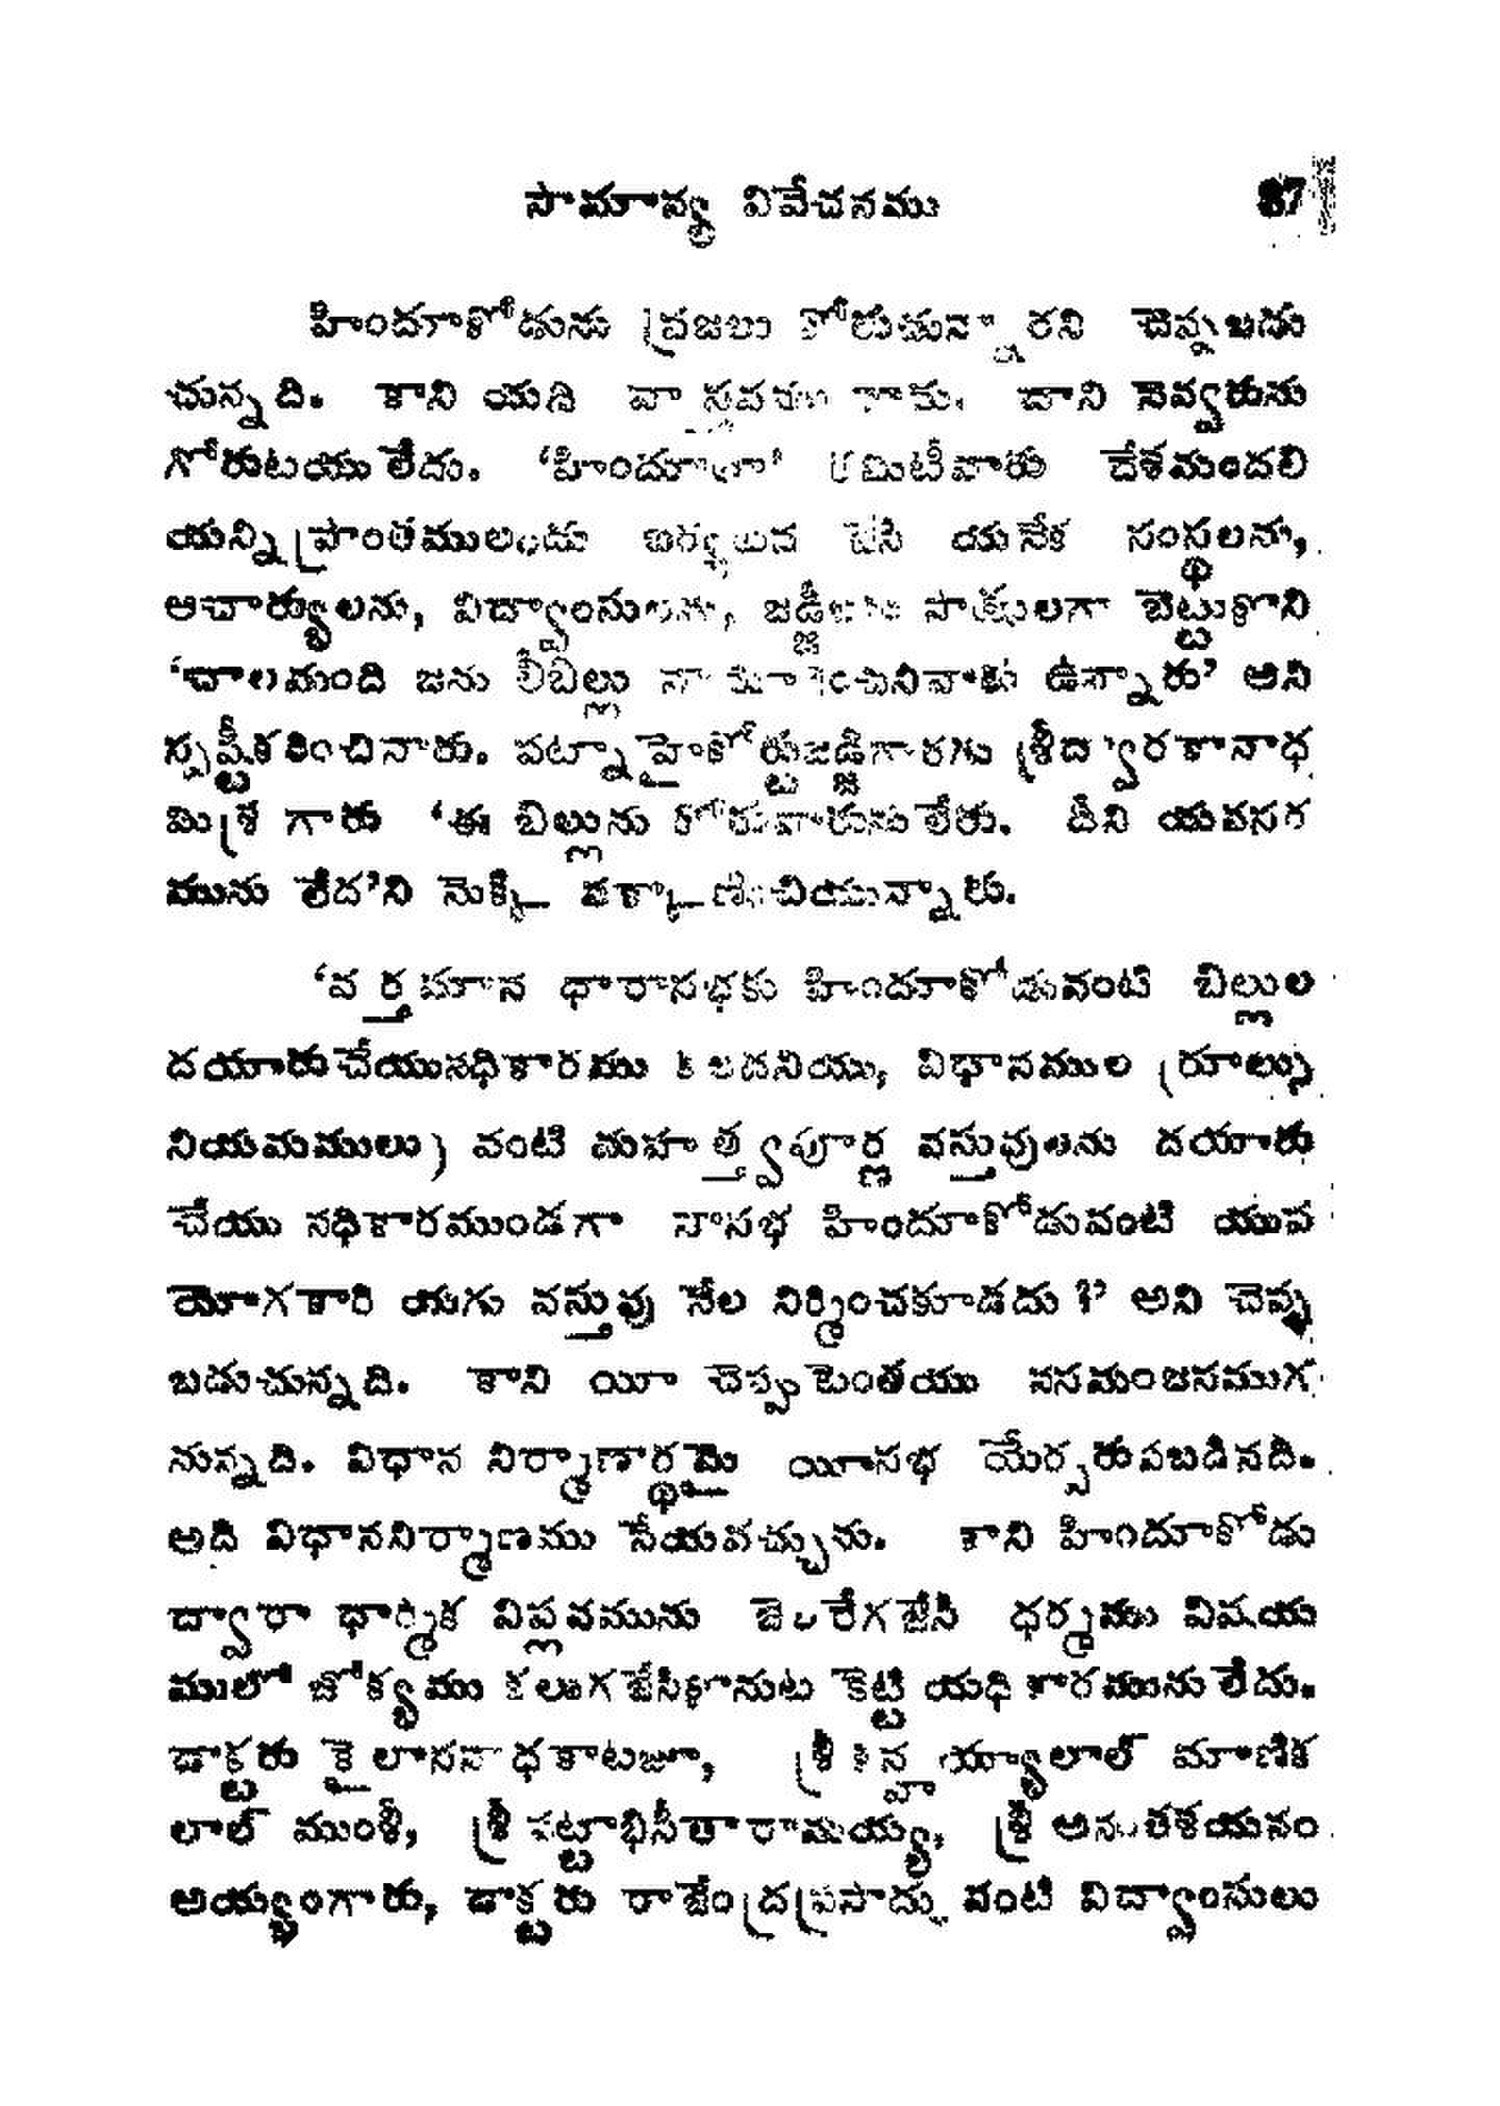హిందూకోడును ప్రజలు కోరుతున్నారని చెప్పబడు
చున్నది. కాని యది వాస్తవము కాదు. దాని నెవ్వరును
గోరుటయు లేదు. 'హిందూలా' కమిటీవారు దేశమందలి
యన్ని ప్రాంతములందు బర్యటన చేసి యనేక సంస్థలను,
ఆచార్యులను, విద్వాంసులను జడ్జీలను సాక్షులుగా బెట్టుకొని
చాలమంది జనులీబిల్లు నామోదించనివారు ఉన్నారు' అని
స్పష్టీకరించినారు. పట్నా హైకోర్టుజడ్జిగారు శ్రీద్వారకానాధ
మిశ్ర గారు 'ఈ బిల్లును కోరువారును లేరు. దీని యవసరమును 
లేద'ని నొక్కి వక్కాణించియున్నారు.

వర్తమాన ధారాసభకు హిందూకోడువంటి బిల్లుల
దయారుచేయునధికారము కలదనియు, విధానముల (రూల్స్ .
నియమములు) వంటి మహత్త్వపూర్ణ వస్తువులను దయారు
చేయు నధికారముండగా నాసభ హిందూకోడువంటి యుపయోగకారి 
యగు వస్తువు నేల నిర్మించకూడదు?' అని చెప్ప
బడుచున్నది. కాని యీ చెప్పుటెంతయు నసమంజసముగ
నున్నది. విధాన నిర్మాణార్థమై యీసభ యేర్పరుపబడినది..
అది విధాననిర్మాణము సేయవచ్చును. కాని హిందూకోడు
ద్వారా ధార్మిక విప్లవమును జెలరేగజేసి ధర్మము విషయ
ములో జోక్యము కలుగజేసికొనుట కెట్టి యధి కారమును లేదు.
డాక్టరు కైలాసనాధకాటజూ,శ్రీకన్హయ్యాలాల్ మాణికలాల్ ముంశీ, 
శ్రీ పట్టాభిసీతారామయ్య, శ్రీ అనంతశయనం అయ్యంగారు, 
డాక్టరు రాజేంద్రప్రసాదు వంటి విద్వాంసులు